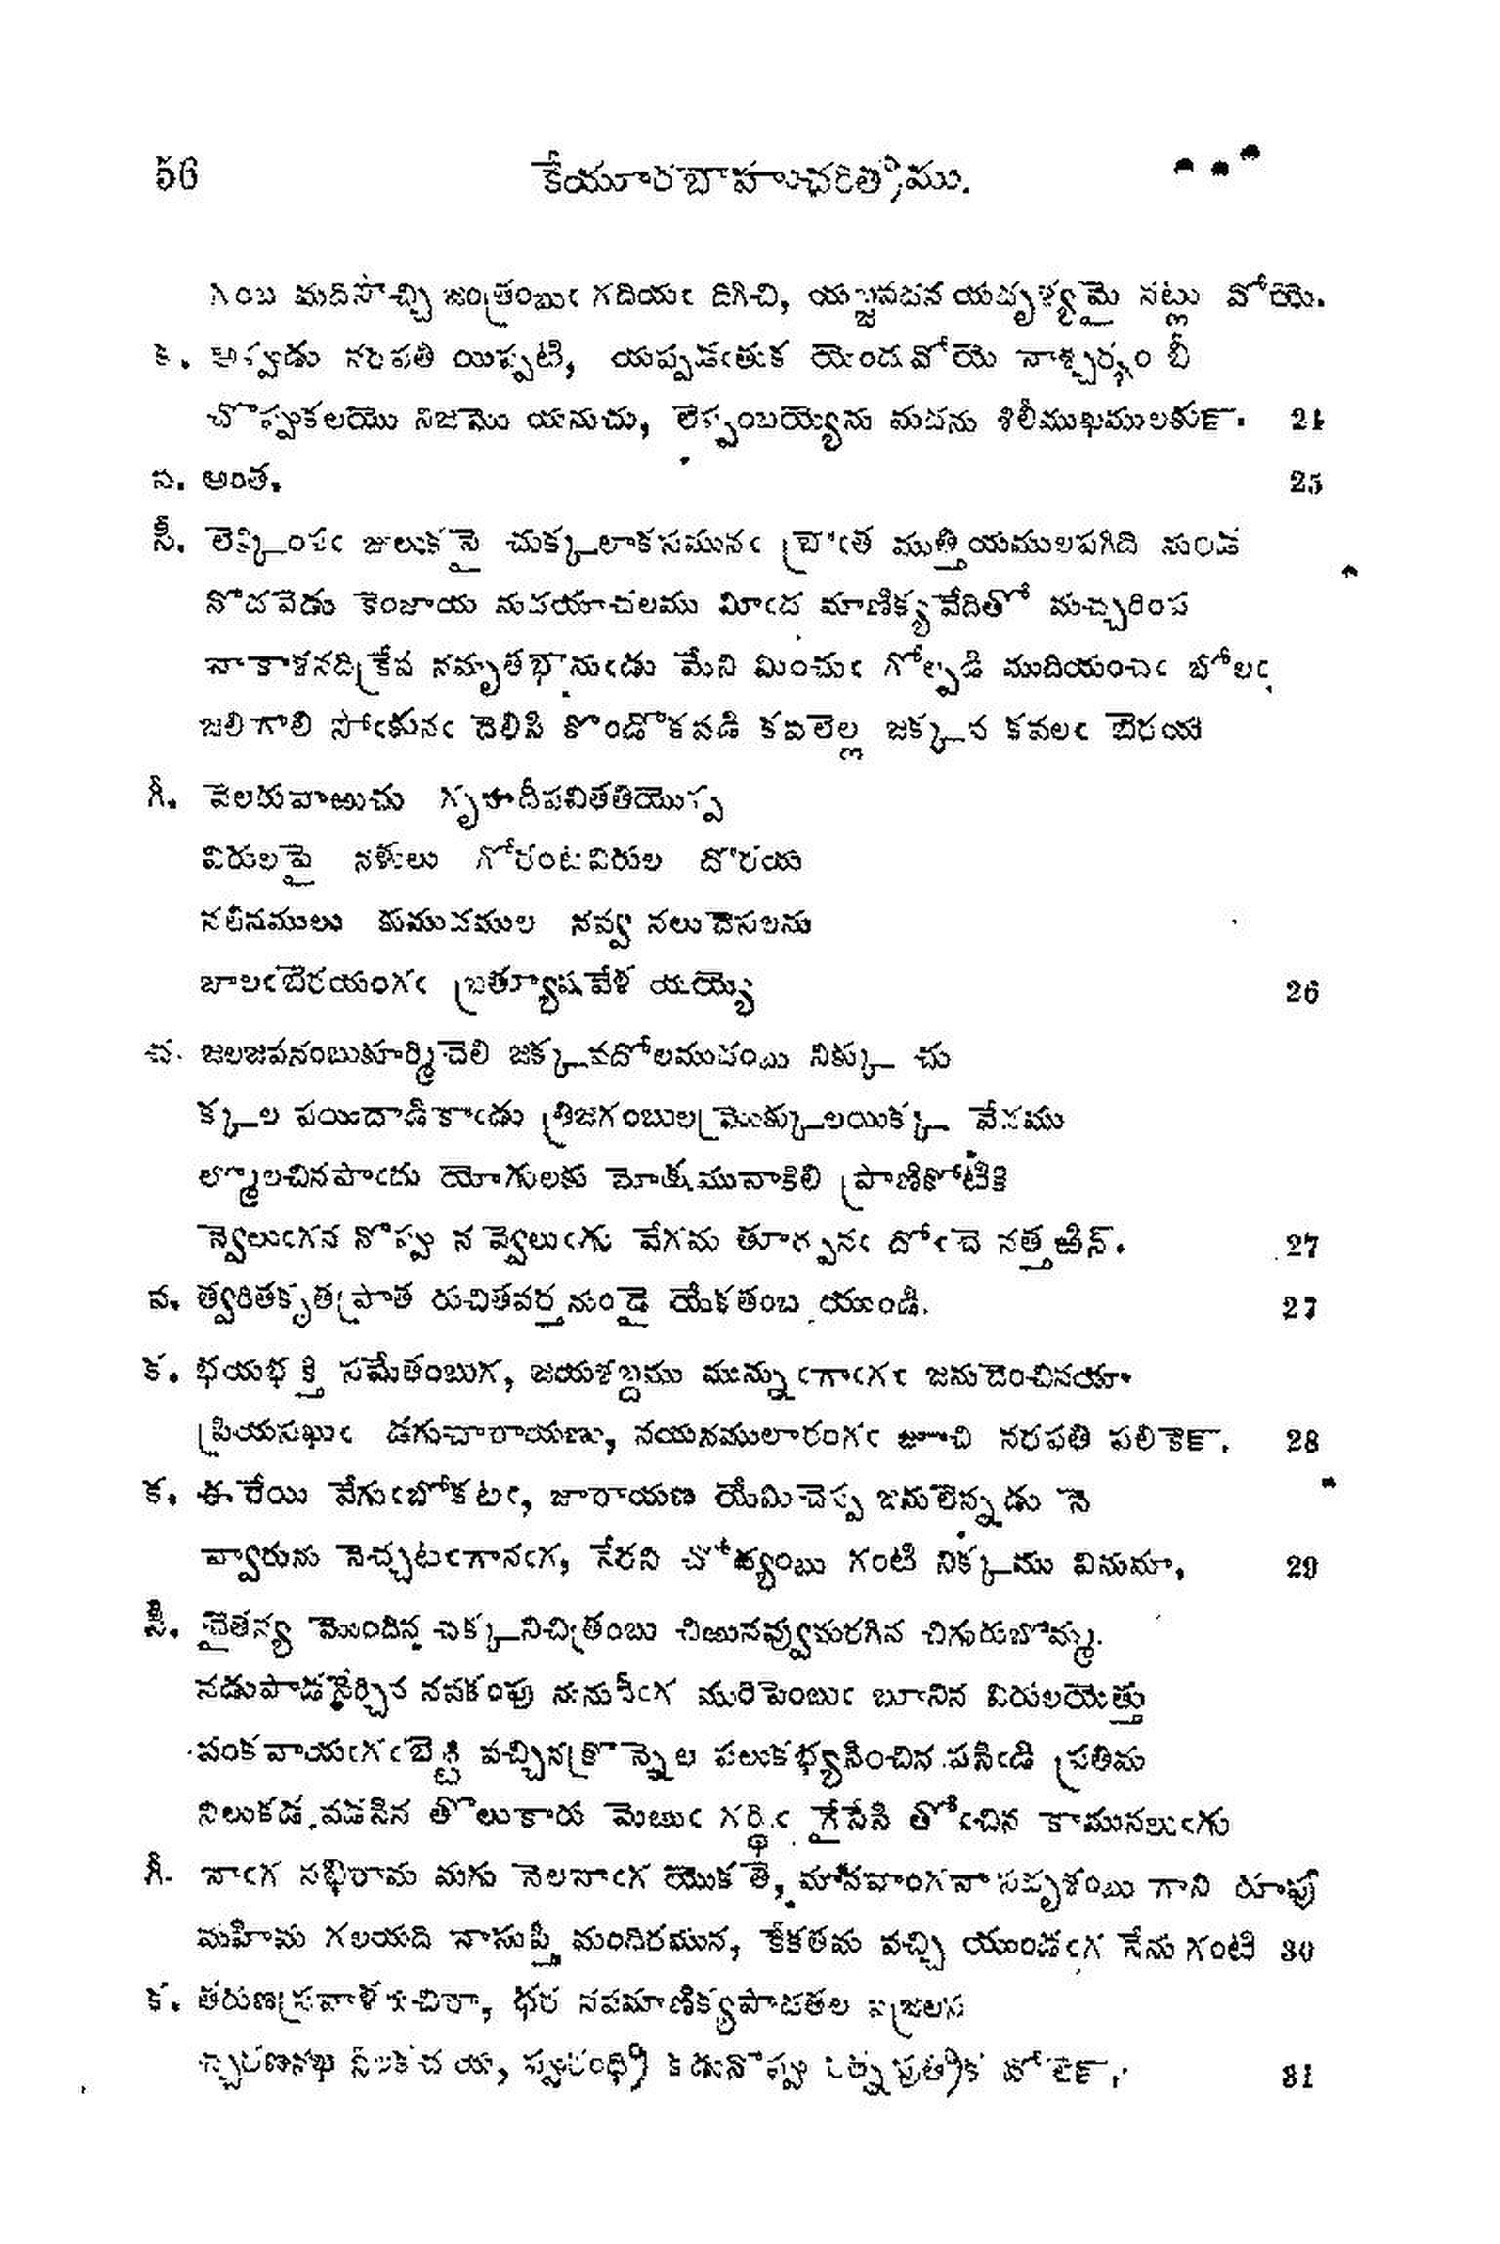గంబ మదిసొచ్చి జంత్రంబుఁ గదియఁ దిగిచి, యబ్జవదన యదృశ్యమై నట్లు వోయె.
క. అప్పుడు నరపతి యిప్పటి, యప్పడతుక యెందువోయె నాశ్చర్యం బీ
 చొప్పు కలయొ నిజమొ యనుచు, లెప్పంబయ్యెను మదను శిలీముఖములకున్.
వ. అంత.
సీ. లెక్కింపఁ జులుక నై చుక్క లాకసమునఁ బ్రాఁత ముత్తియములపగిది నుండ
 నొదవెడు కెంజాయ నుదయాచలముమీఁద మాణిక్యవేదితో మచ్చరింప
 నాకాశనదిక్రేవ నమృతభానుఁడు మేని మించుఁ గోల్పడి ముదియంచఁ బోలఁ
 జలిగాలి సోఁకునఁ దెలిసి కొండొకవడి కవలెల్ల జక్కవ కవలఁ బెరయ
గీ. వెలరువాఱుచు గృహదీపవితతి యొప్ప
 విరులపై నళులు గోరంటవిరుల దొరయ
 నటనములు కుముదముల నవ్వ నలుదెసలను
 జాలఁ బెరయంగఁ బ్రత్యూషవేళ యయ్యె.
చ. జలజవనంబుకూర్మిచెలి జక్కవదోలముదంబు నిక్కు చు
 క్కల పయిదాడికాఁడు త్రిజగంబులమ్రొక్కులయిక్క వేదము
 ల్మొలచినపాఁదు యోగులకు మోక్షమువాకిలి ప్రాణికోటికి
 న్వెలుఁగన నొప్పునవ్వెలుఁగు వేగమ తూర్పునఁ దోఁచె నత్తఱిన్.
వ. త్వరితకృతప్రాతరుచితవర్తనుండై యేకతంబ యుండి.
క. భయభక్తిసమేతంబుగ, జయశబ్దము మున్నుఁగాఁగఁ జనుదెంచినయా
 ప్రియసఖుఁ డగుచారాయణు, నయనములారంగఁ జూచి నరపతి పలికెన్.
క. ఈరేయి వేగుఁబోకటఁ, జారాయణ యేమి చెప్ప జను లెన్నడు నె
 వ్వారును నెచ్చటఁ గానఁగ, నేరని చోద్యంబు గంటి నిక్కము వినుమా.
సీ. చైతన్య మొందిన చక్కనిచిత్రంబు చిఱునవ్వు మరగిన చిగురుబొమ్మ
 నడుపాడ నేర్చిన నవకంపు నునుదీఁగ మురిపెంబుఁ బూనిన విరులయెత్తు
 పంక వాయఁగఁ బెట్టి వచ్చిన క్రొన్నెల పలు కభ్యసించిన పసిఁడిప్రతిమ
 నిలుకడ వడసిన తొలుకారు మెఱుఁ గర్థిఁ గైసేసి తోఁచిన కామునలుఁగు
గీ. నాఁగ నభిరామ మగు నెలనాఁగ యొకతె, మానవాంగనాసదృశంబు గాని రూపు
 మహిమ గలయది నాసుప్తిమందిరమున, కేకతమ వచ్చి యుండఁగ నేను గంటి.
క. తరుణప్రవాళరుచిరా, ధర నవమాణిక్యపాదతల వజ్రలస
 చ్చరణనఖనీలకచ య, ప్పురంధ్రి కడునొప్పు రత్నపుత్రికవోలెన్.